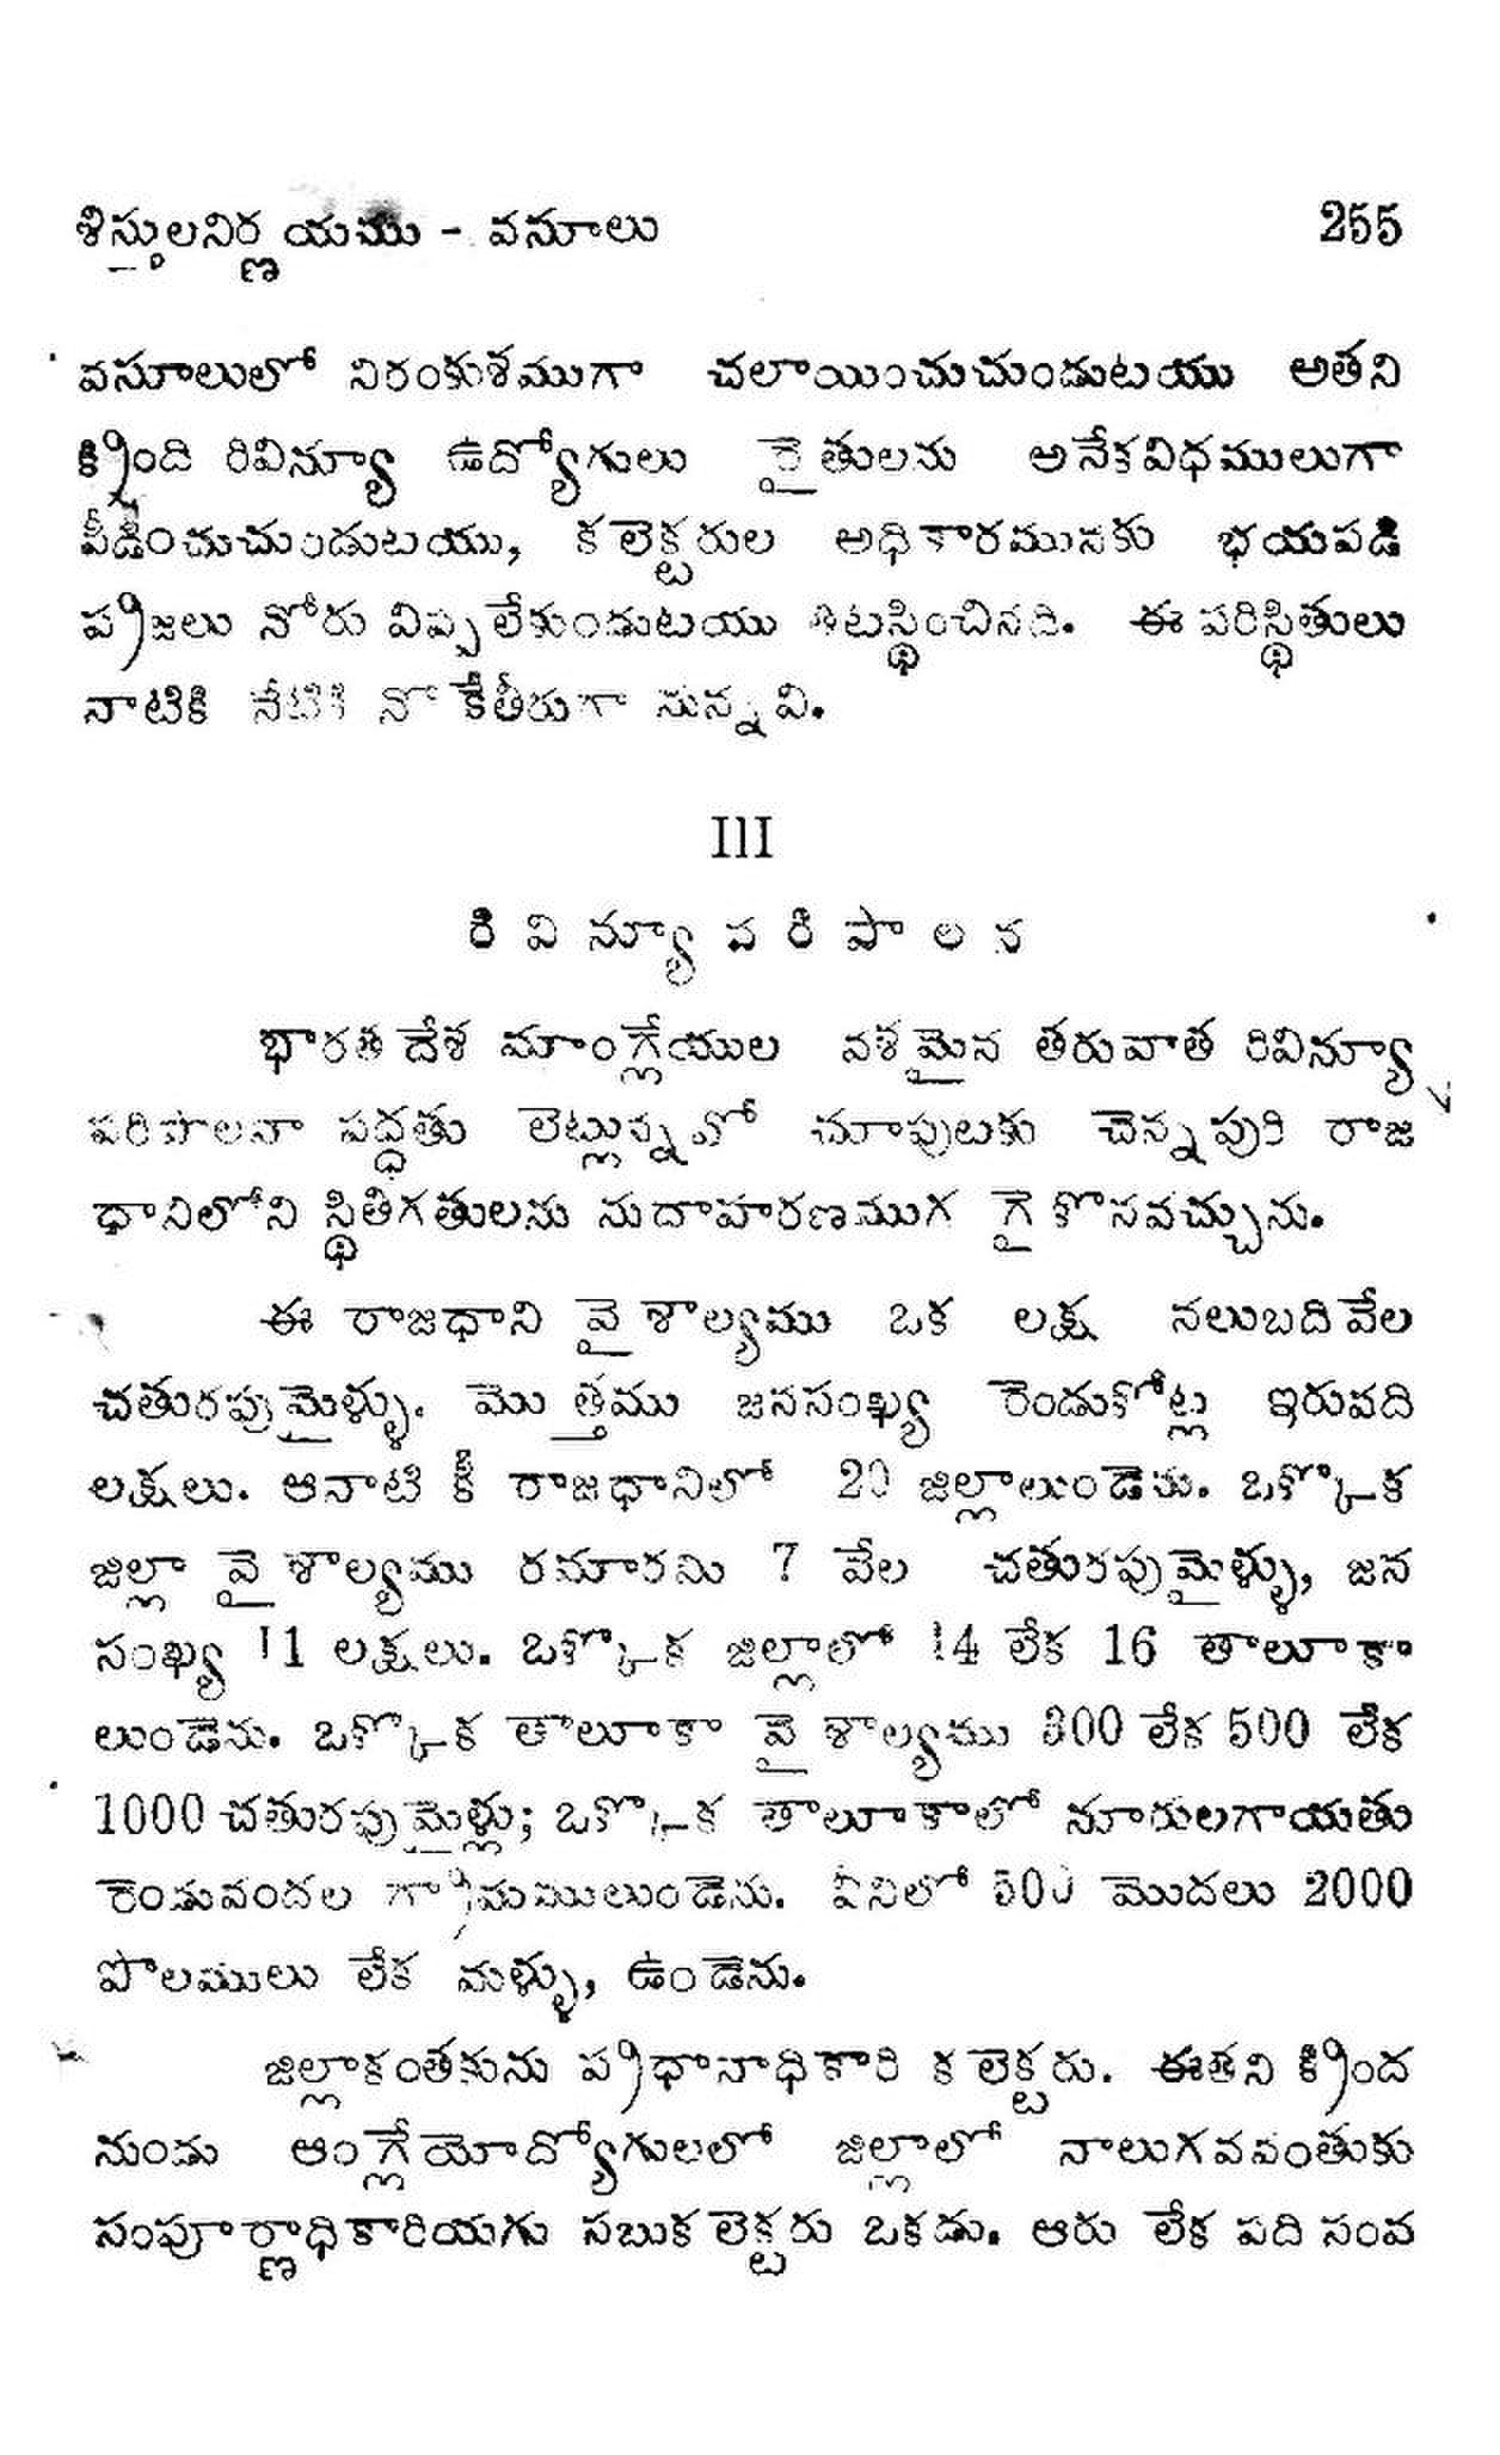వసూలులో నిరంకుశముగా చలాయించుచుండుటయు అతని క్రింది రివిన్యూ ఉద్యోగులు రైతులను అనేకవిధములుగా పీడించుచుండుటయు, కలెక్టరుల అధికారమునకు భయపడి ప్రజలు నోరు విప్పలేకుండుటయు తటస్థించినది. ఈ పరిస్థితులు నాటికి నేటికి నొకేతీరుగా నున్నవి.

Ill
రివిన్యూ పరిపాలన

భారతదేశ మాంగ్లేయుల వశమైన తరువాత రివిన్యూ పరిపాలనా పద్దతు లెట్లున్నవో చూపుటకు చెన్నపురి రాజధానిలోని స్థితిగతులను నుదాహరణముగ గైకొనవచ్చును. 

ఈ రాజధాని వైశాల్యము ఒక లక్ష నలుబదివేల చతురపుమైళ్ళు. మొత్తము జనసంఖ్య రెండుకోట్ల ఇరువది లక్షలు. ఆనాటి కీ రాజధానిలో 20 జిల్లాలుండెను. ఒక్కొక జిల్లా వైశాల్యము రమారమి 7 వేల చతురపు మైళ్ళు, జనసంఖ్య 11 లక్షలు. ఒక్కొక జిల్లాలో 14 లేక 16 తాలూకా లుండెను. ఒక్కొక తాలూకా వైశాల్యము 300 లేక 500 లేక 1000 చతురపు మైళ్లు; ఒక్కొక తాలూకాలో నూరులగాయతు రెండువందల గ్రామములుండెను. వీనిలో 500 మొదలు 2000 పొలములు లేక మళ్ళు, ఉండెను.

జిల్లాకంతకును ప్రధానాధికారి కలెక్టరు. ఈతని క్రింద నుండు ఆంగ్లేయోద్యోగులలో జిల్లాలో నాలుగవవంతుకు సంపూర్ణాధికారియగు సబుకలెక్టరు ఒకడు. ఆరు లేక పది సంవ